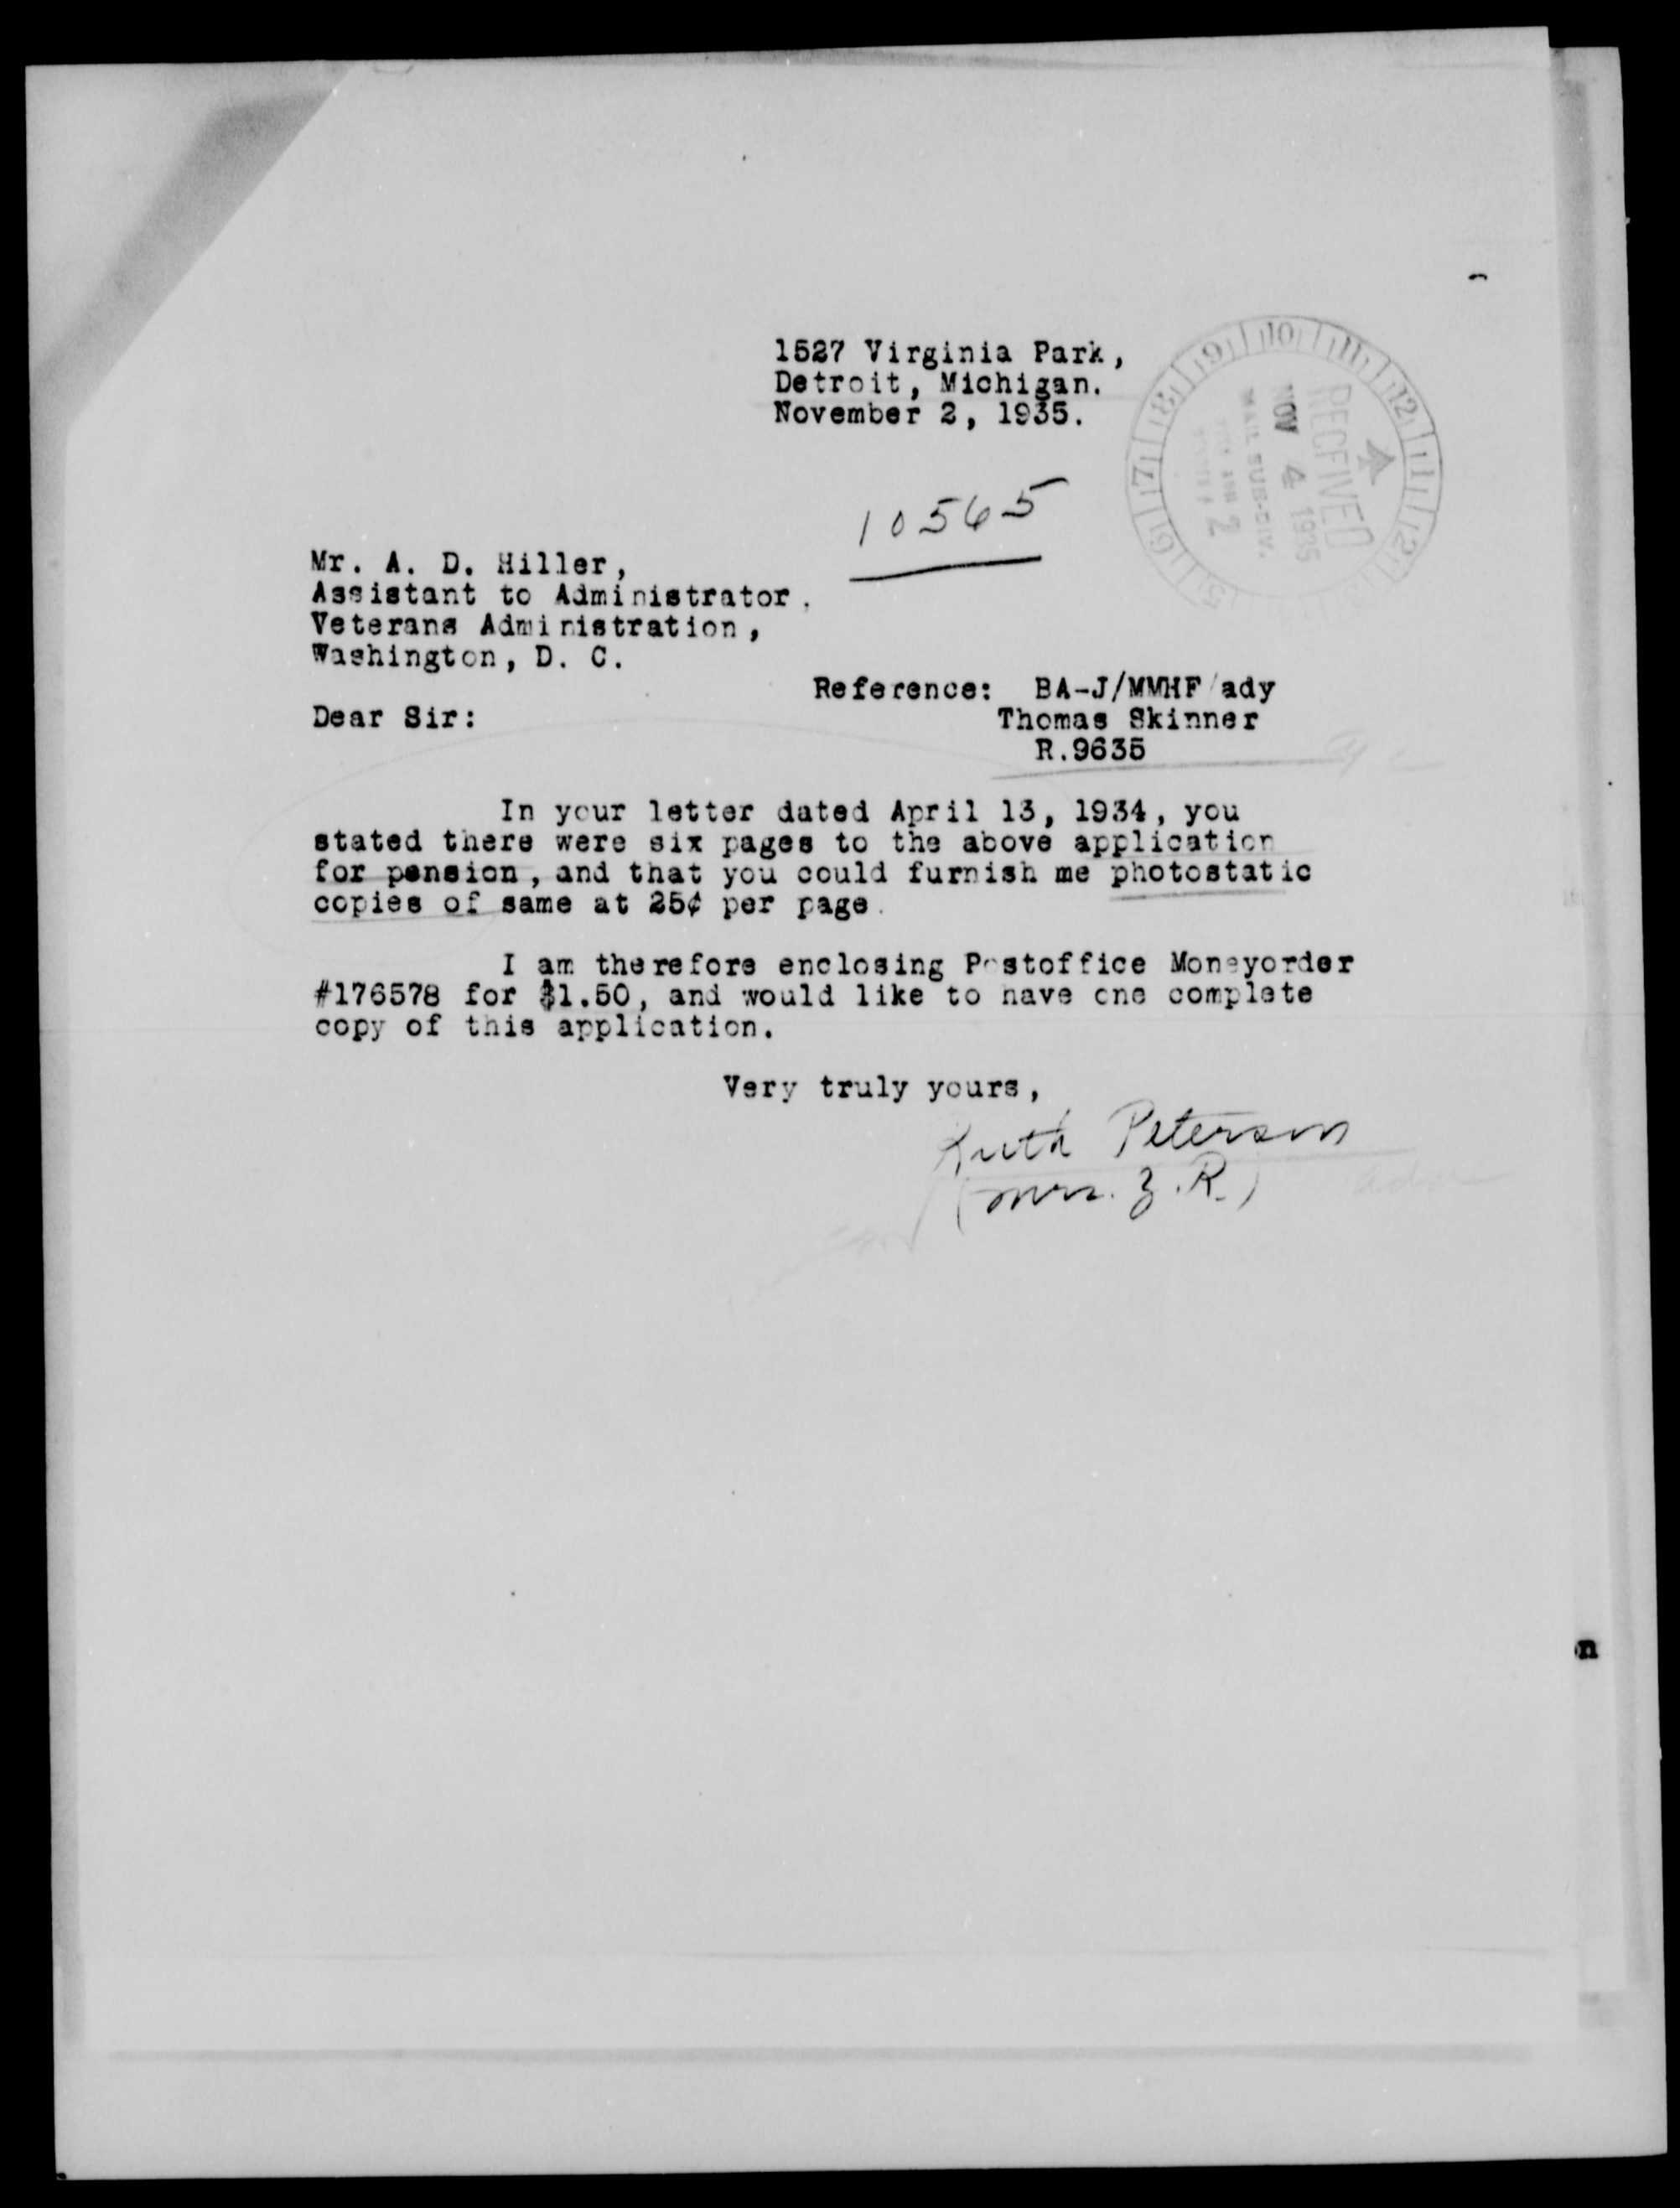1527 Virginia Park,
Detroit, Michigan.
November 2, 1935.

Mr. A.D. Hiller, [10565, handwritten and underlined]
Assistant to Administrator,
Veterans Administration,
Washington, D.C.

Reference: BA-J/MMHF/ady
Thomas Skinner
R.9635

Dear Sir:
In your letter dated April 13, 1934, you stated there were six pages to the above application for pension, and that you could furnish me photostatic copies of same at 25[cents symbol] per page.

I am therefore enclosing Postoffice Moneyorder #176578 for $1.50, and would like to have one complete copy of this application.

Very truly yours,
Ruth Peterson (Mrs. Z.R.)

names: A D Hiller; Ruth Peterson; Z R [BLANK]; Thomas Skinner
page: 25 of 33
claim: rejected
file: R. 9635, for Thomas Skinner, Delaware